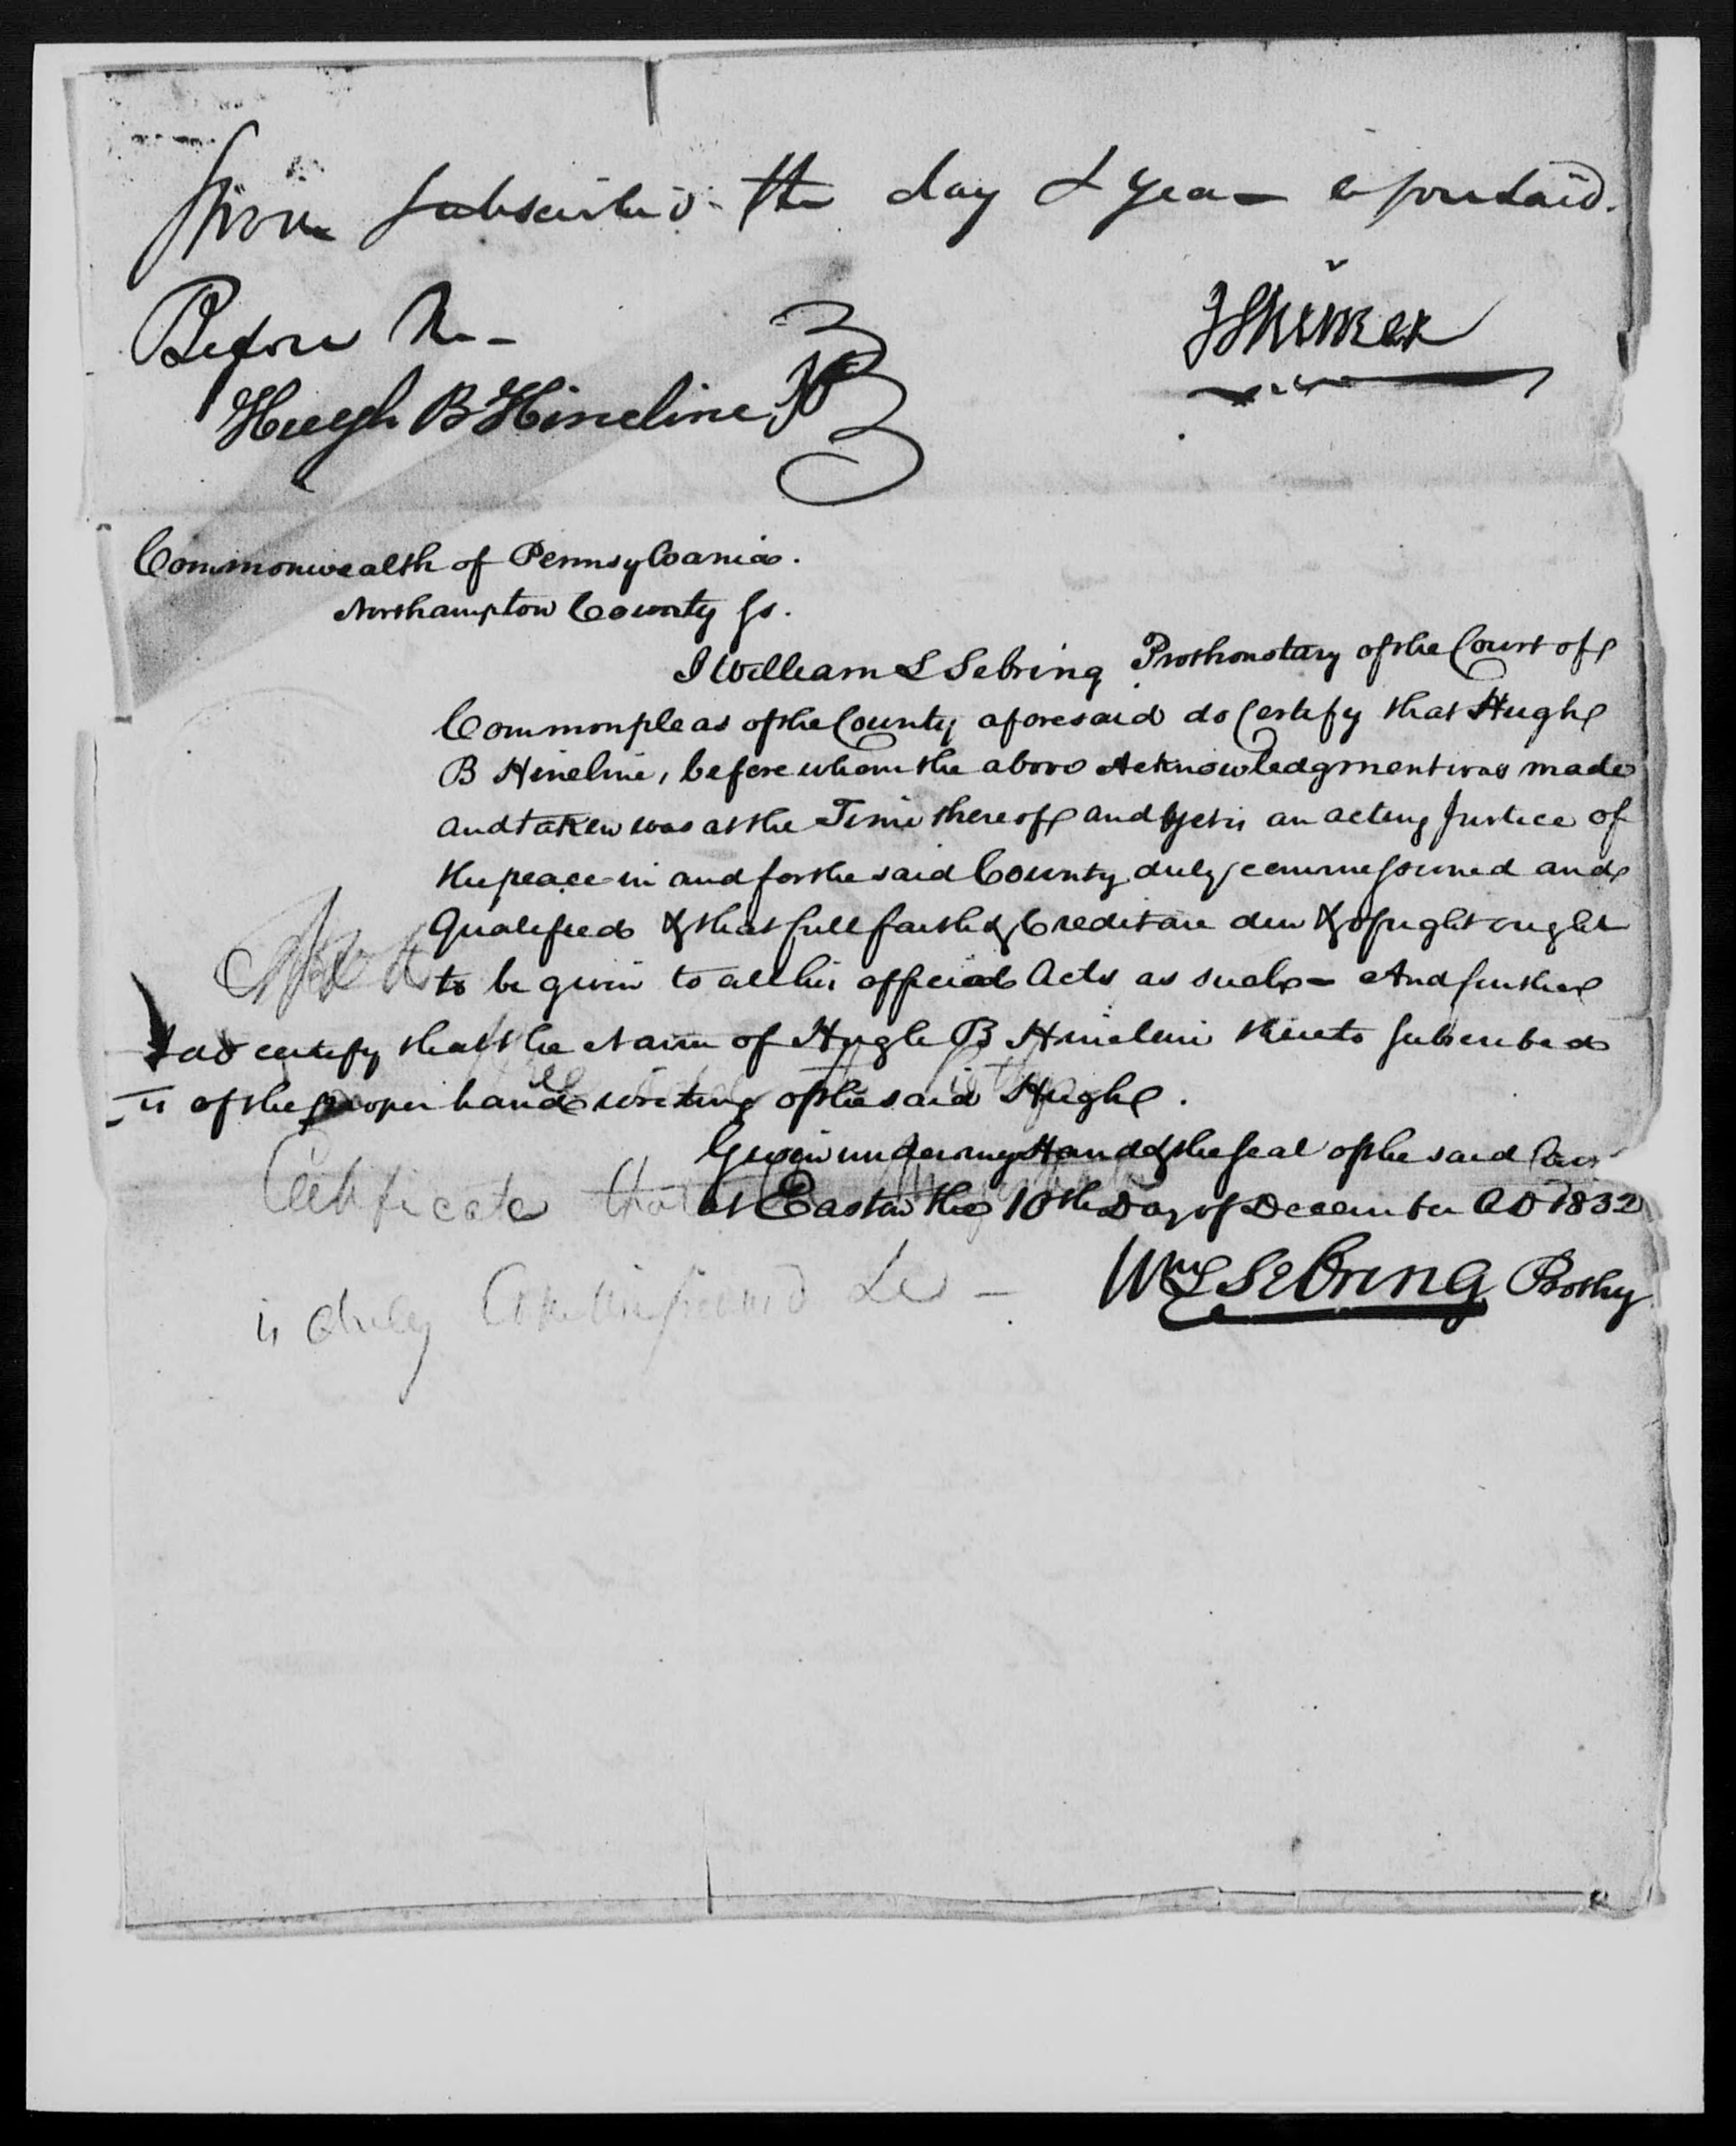From subscribed the day & year aforesaid ┃
Before Me-}
Hugh B Hineline}         J Sheiner

Commonwealth of Pennsylvania
Northampton County ss

I William S Sebring Prothonotary of the Court of Common Pleas of the County aforesaid do certify that Hugh B Hineline, before whom the above acknowledgment was made and taken was at the time thereof and yet is an acting Justice of the Peace in and for the said County duly commissioned and qualified of that full faith & credit are due & of righteousness
to be given to all his official Acts as such. And further do certify that the name of Hugh B. Hineline thereto subscribed to of the proper handwriting of the said Hughl.
Given under my Hand and of the seal of the said [Illegible] at Easton this 10th day of December 1832
Wm LSebring Prothy

Certificate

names: J Sheiner, Hugh, Hugh B Hineline, Wm L Sebring, Hugh B Hineline, Hugh B Hineline, William L Sebring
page: 15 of 24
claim: survivor's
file: S. 2032, Henry Allshouse, Penn.